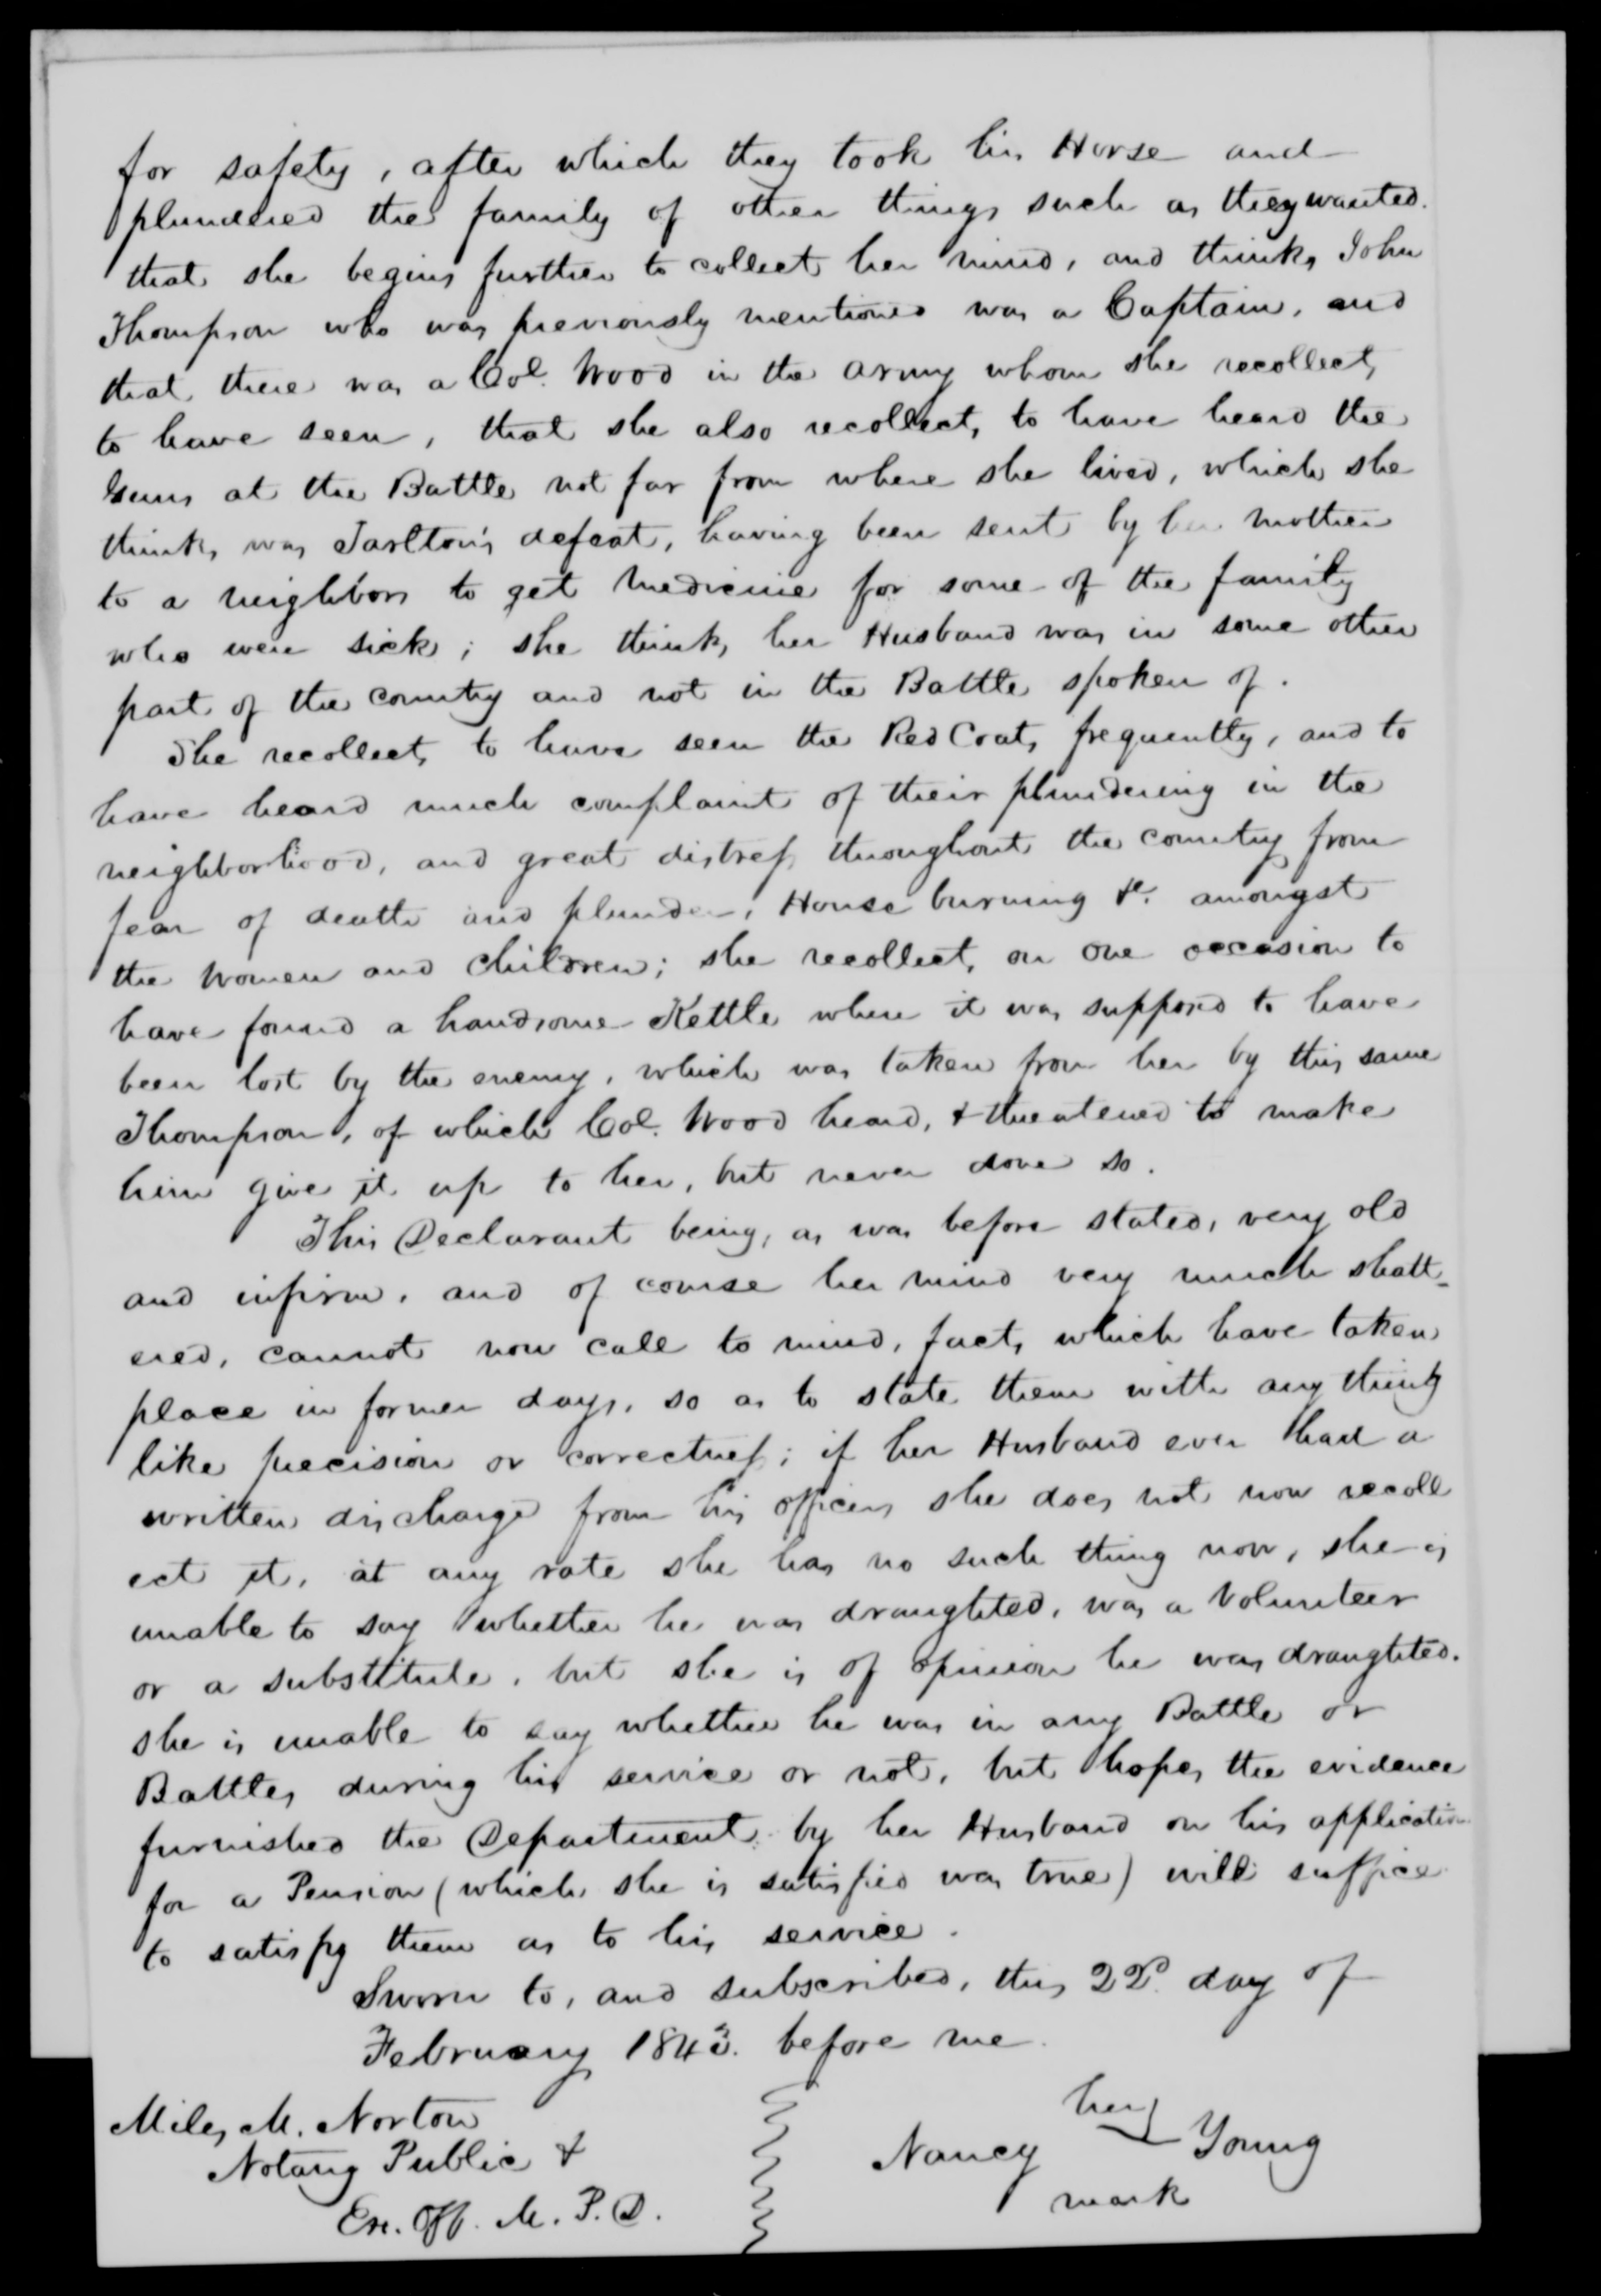for safety, after which they took his Horse and
plundered the family of other things such as they wanted.
that she begins further to collect her mind, and thinks John
Thompson who was previously mentioned was a Captain, and
that there was a Col. Wood in the army whom she recollects
to have seen, that she also recollects to have heard the
Guns at the Battle not far from where she lived, which she
thinks was Tarlton's (sic Tarleton's) defeat, having been sent by her mother
to a neighbor to get medicine for some of the family
who were sick; she thinks her Husband was in some other
part of the country and not in the Battle spokenof.
She recollects to have seen the Red Coats frequently, and to
have heard much complaints of their plundering in the
neighborhood, and great distress throughout the country from
fear of death and plunder, House burning etc. amongst
the women and children; she recollects on one occasion to
have found a handsome Kettle where it was supposed to have
been lost by the enemy, which was taken from her by this same
Thompson, of which Col. Wood heard, + threatened to make
him give it up to her, but never done so.
this Declarant being, as was before stated, very old
and infirm, and of course her mind very much shatt-
ered, cannot now call to mind, facts which have taken
place in former days, so as to state them with anything 
like precision or correctness; if her Husband ever had a
written discharge from his officers she does not now recoll
ect it, at any rate she has no such thing now, she is
unable to say whether he was draughted (sic drafted), was a volunteer
or a substitute, but she is of [the] opinion he was draughted (sic drafted).
she is unable to say whether he was in any Battle or
Battles during his service or not, but hopes the evidence
furnished the Department by her Husband on his application
for a Pension (which she is satisfied was true) will suffice
to satisfy them as to his service.
Sworn to, and subscribed, this 22d day of
February 1843 before me.
Miles M. Norton {   Nancy (her mark) Young
Notary Public + {
Ex. Off. M. P. D. [Ex-officio Magistrate Picken's District]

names: John Thompson, Wood, Nancy Young, Miles M Norton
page: 14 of 56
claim: widow's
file: W. 9040, Levi Young, Ga. New Jersey S.C.